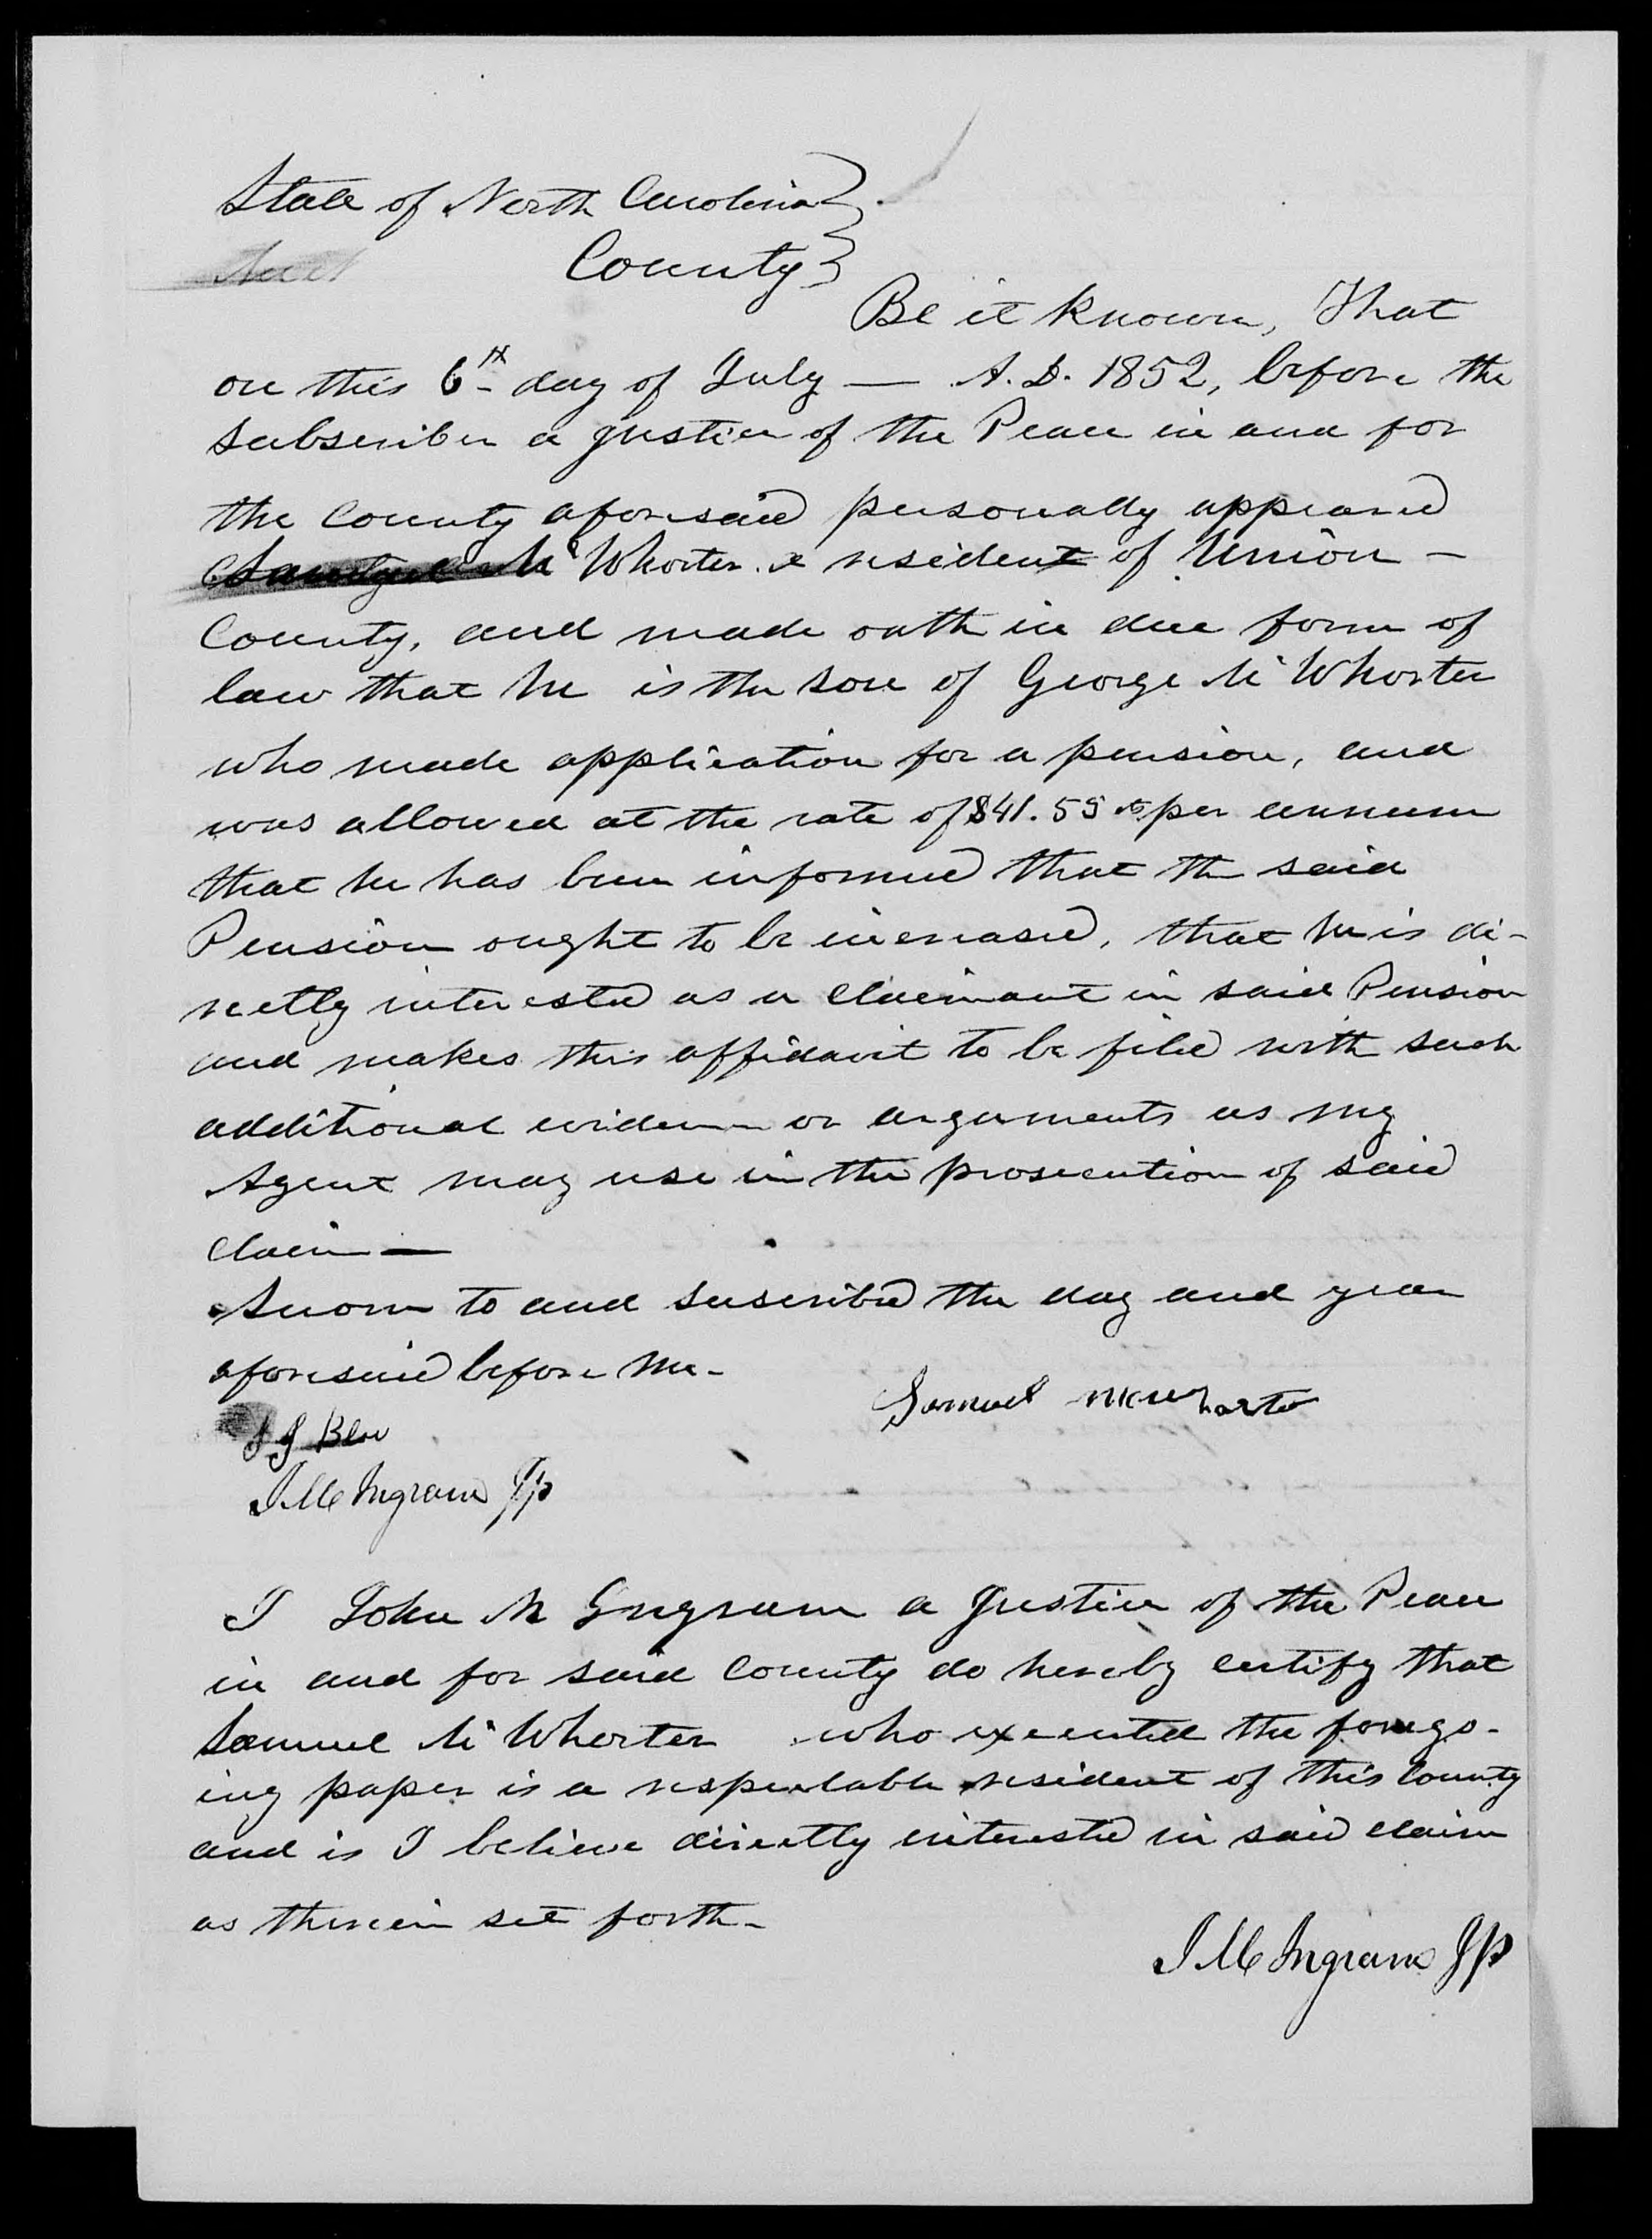State of North Carolina County
Be it known, That on this 6th day of July A.D. 1852, before the subscriber a justice of the Peace in and for the County aforesaid personally appeared Samuel McWhorter, a resident of Union County and made oath in due form of law that he is the son of George McWhorter who made application for a pension, and was allowed at the rate of $41.55 per annum, that he has been informed that the said Pension ought to be increased, that he is directly interested as a claimant in said Pension and makes this affidavit to be filed with such additional evidence or arguments as my Agent may use in the prosecution of said claim. 
Sworn to and subscribed the day and year aforesaid before me
JM Ingram ( signed )  J.P.
Samuel McWhorter( signed ) 

I John M. Ingram a Justice of the Peace in and for said county do hereby  certify that Samuel McWhorter who executed the foregoing paper is a respectable resident of this county and I believe directly interested in said claim as therein set forth
JM Ingram( signed )  JP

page: 3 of 35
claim: survivor's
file: S. 9,011, for George Mc Whorter, North Carolina